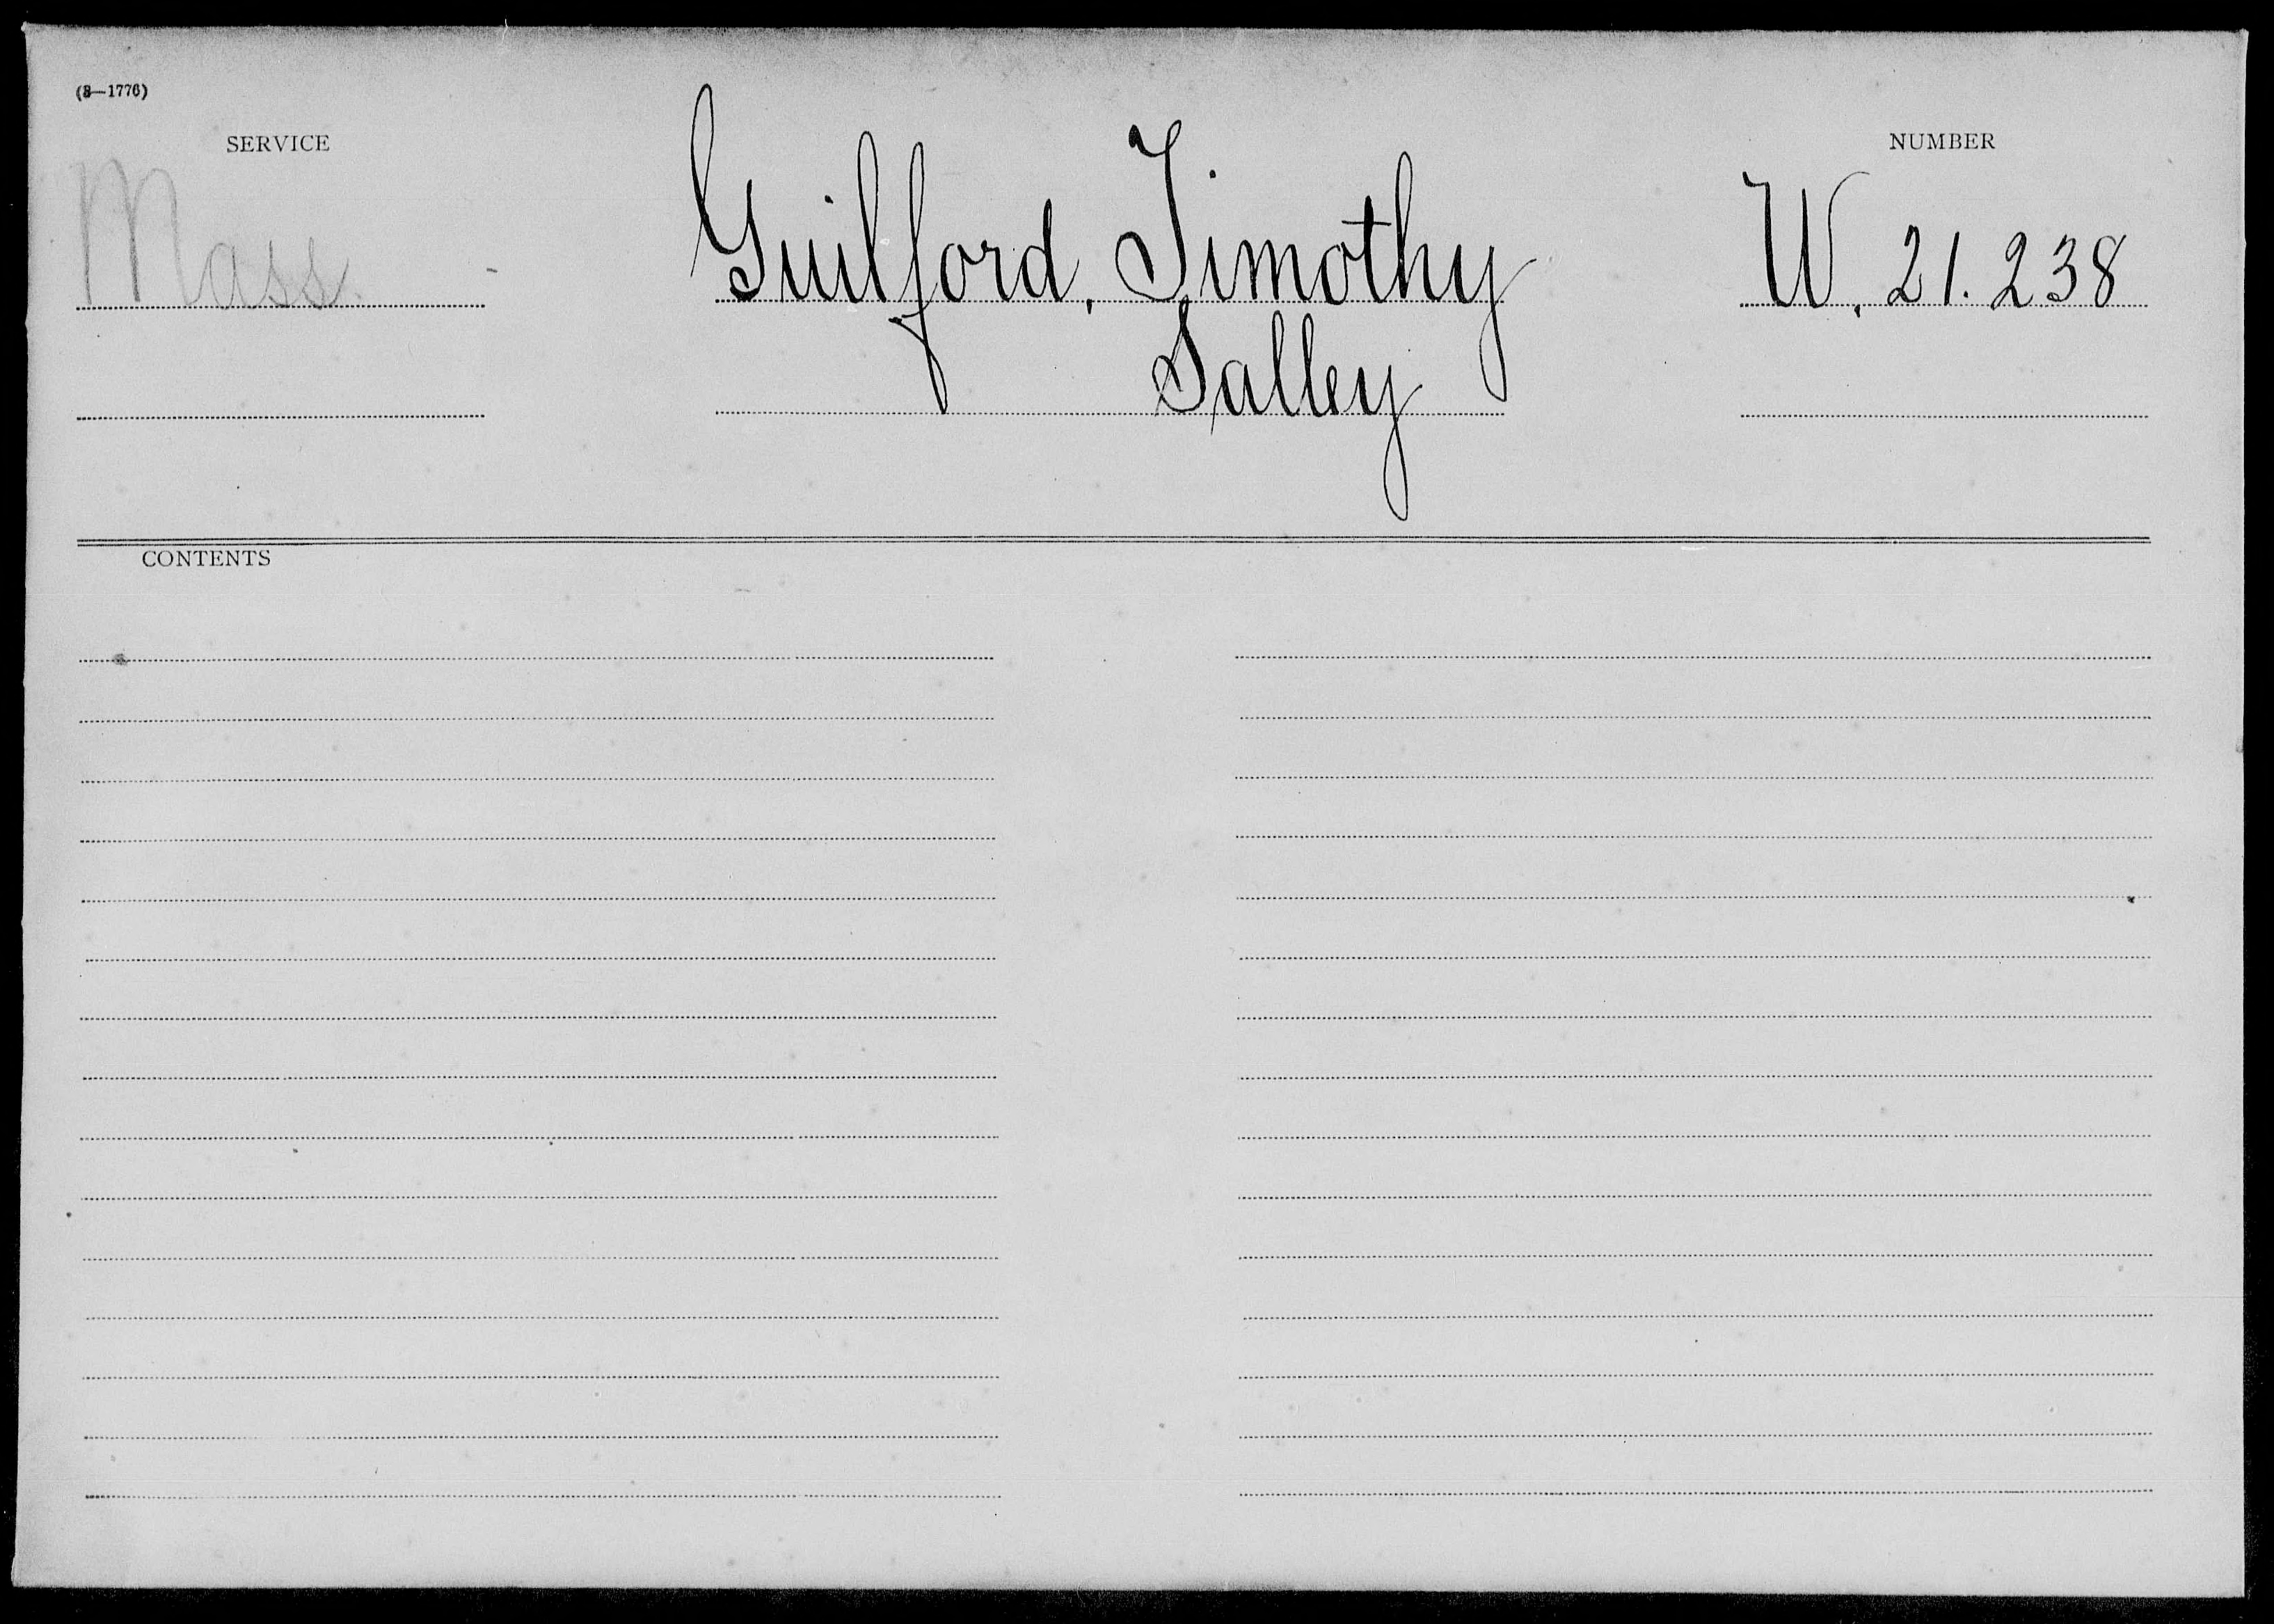(8-1776)
SERVICE NUMBER
Mass. Guilford, Timothy Salley W.21.238
CONTENTS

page: 1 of 26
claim: widow's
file: W. 21,238, Timothy Guilford, Mass.